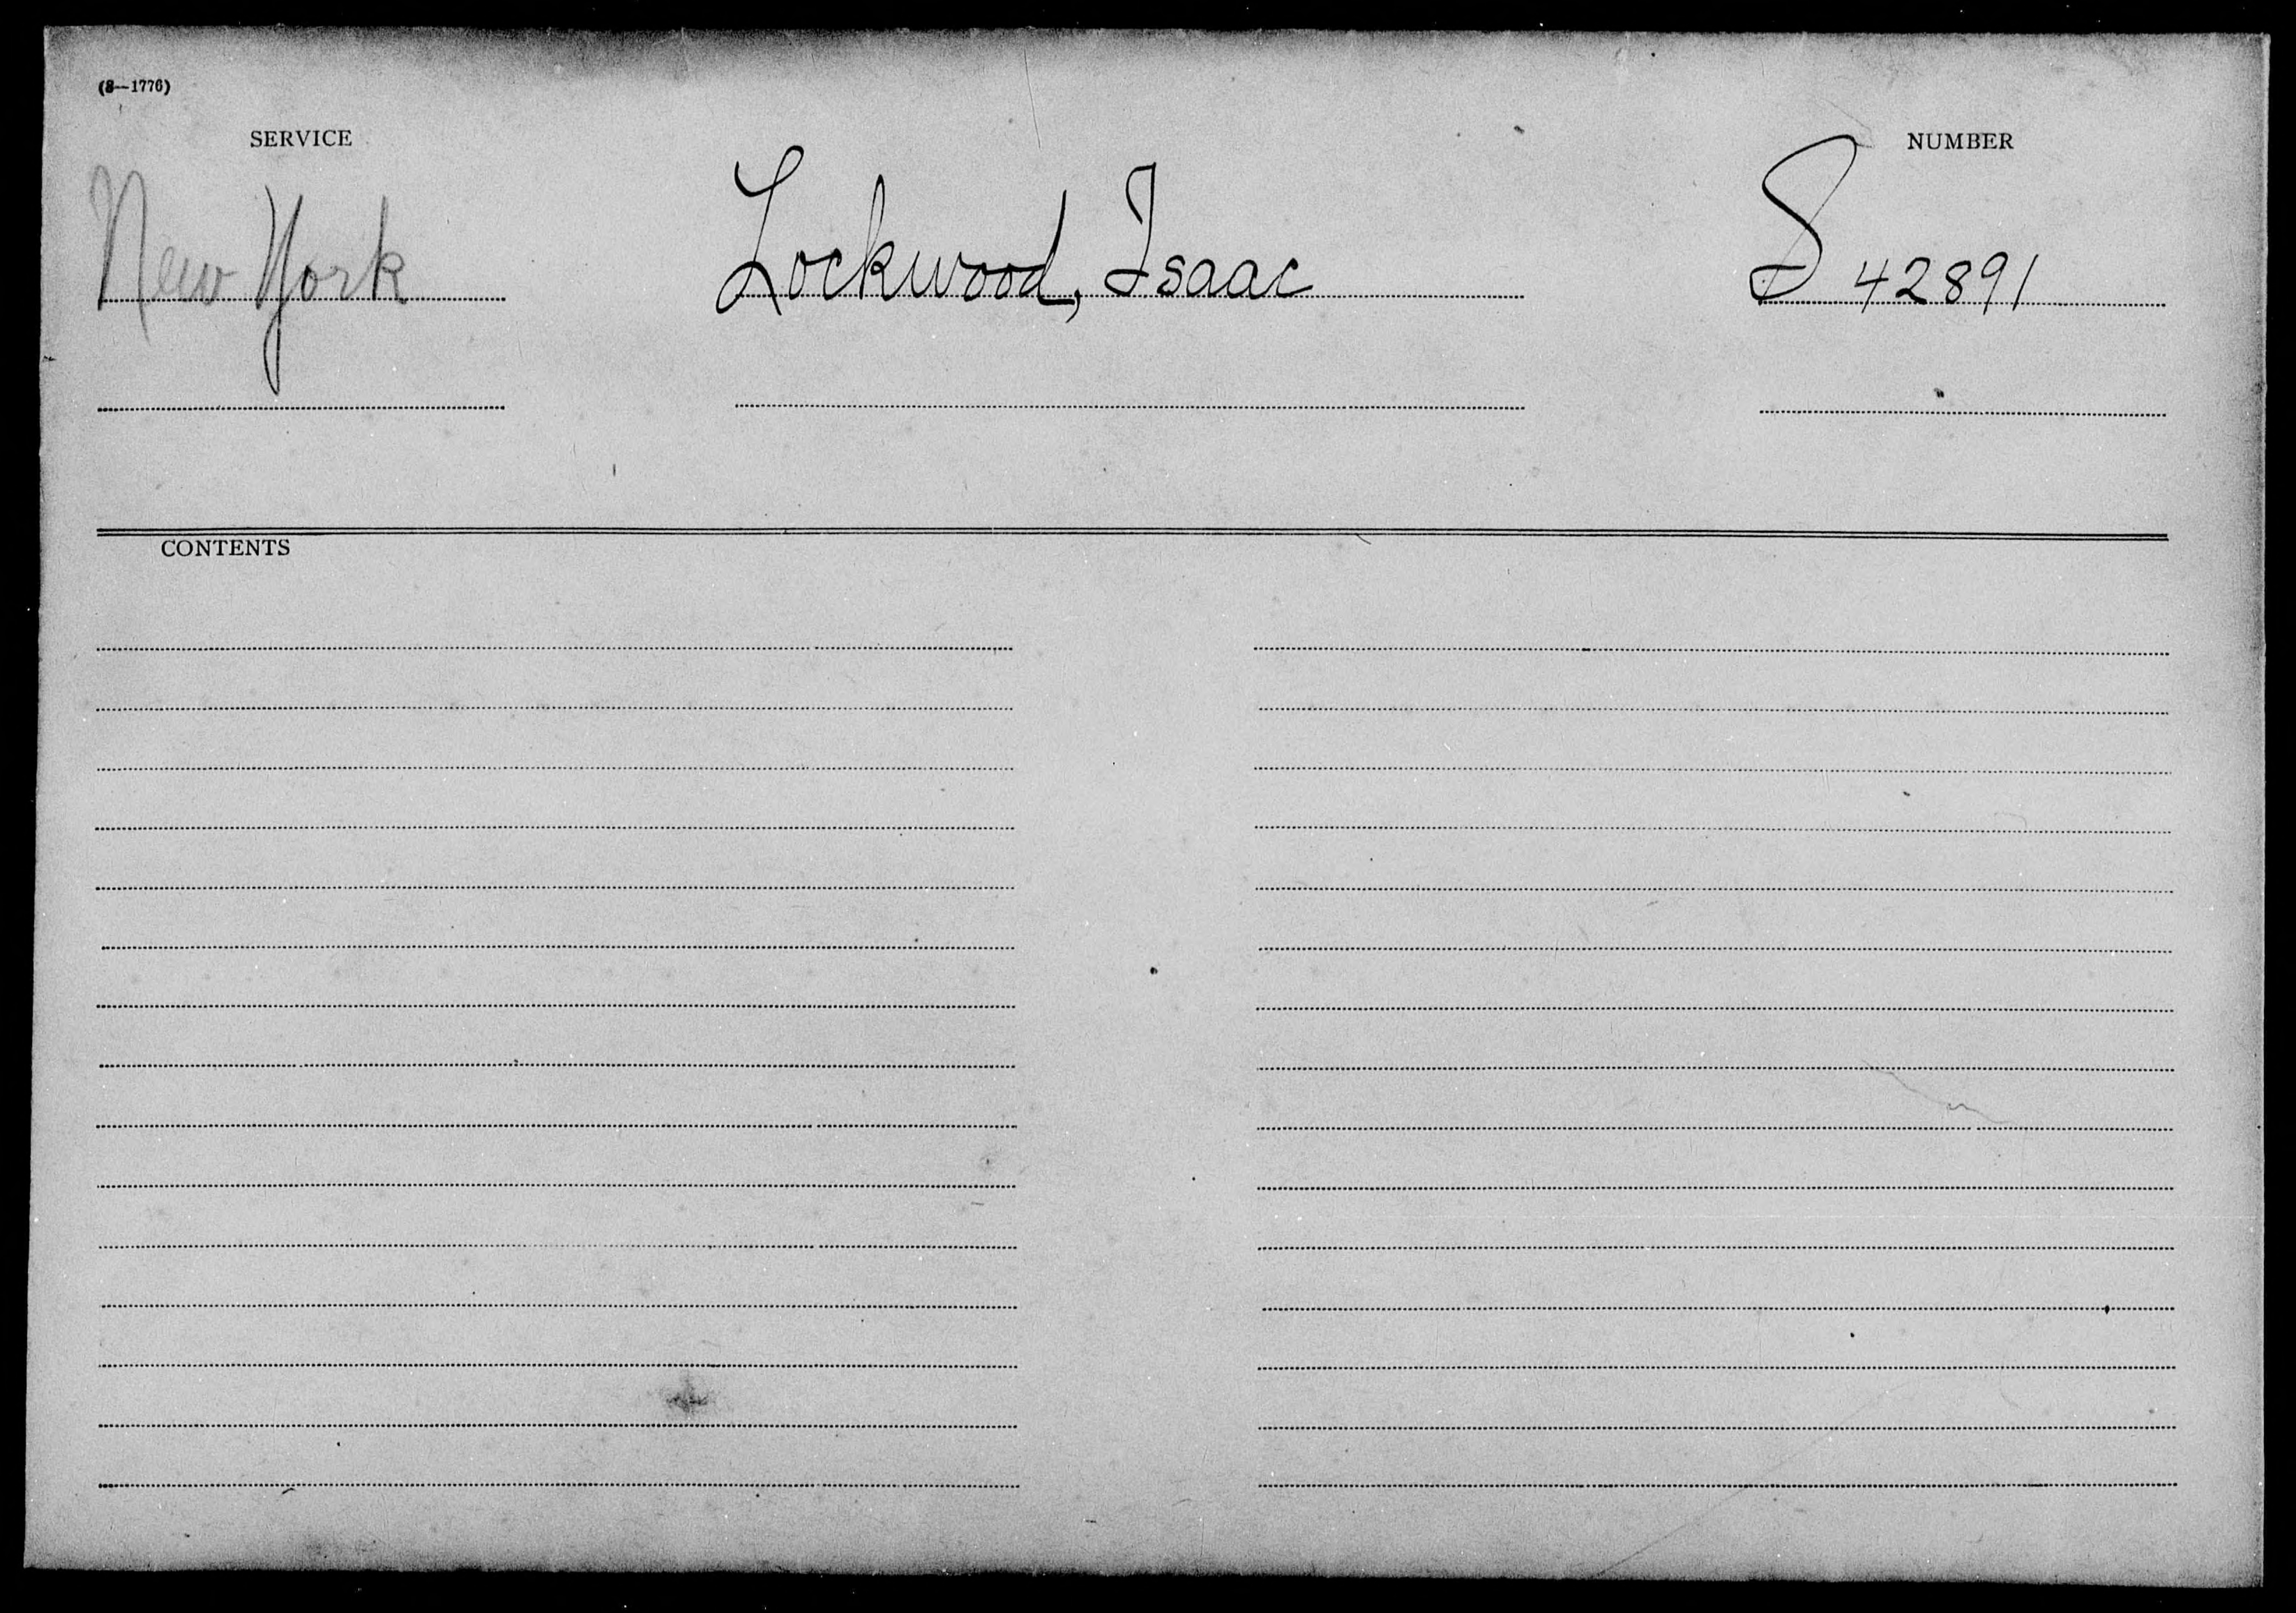(8--1776)

SERVICE   |   |   NUMBER
New York  |   Lockwood, Isaac   |  S 42891

_______________________
CONTENTS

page: 1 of 23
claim: survivor's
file: S 42891, for Isaac Lockwood, New York